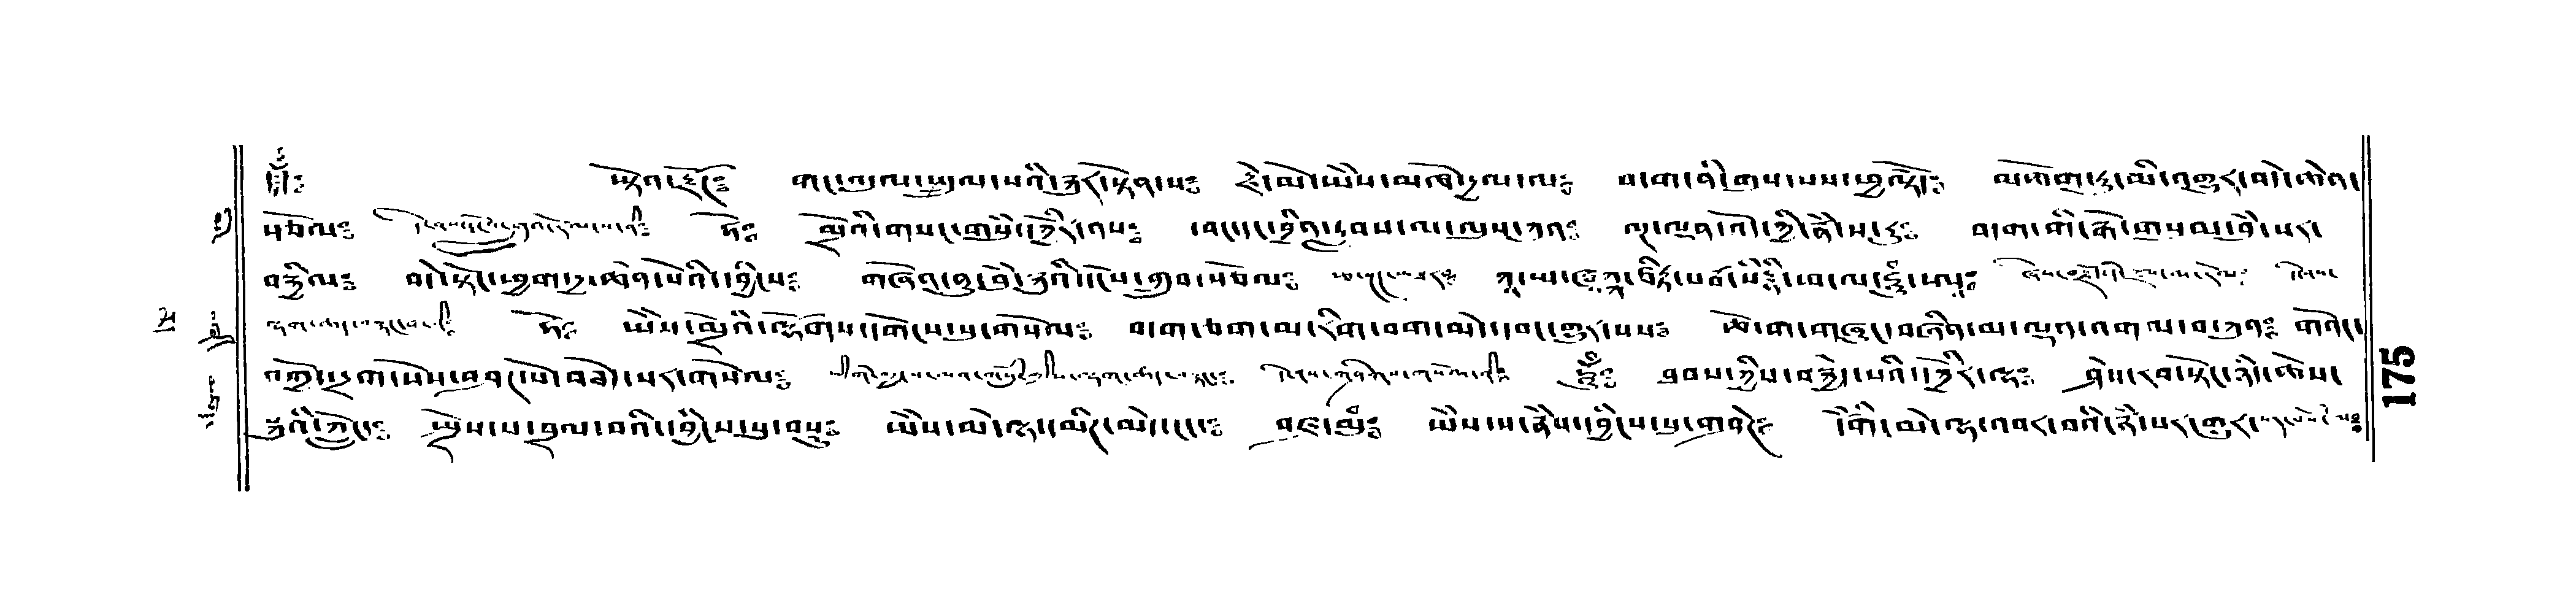ཡོན་ཏན་རྫོགས༔ གང་འདུལ་སྤྲུལ་པའི་སྐུར་སྟོན་པ༔ རྗེ་མོ་ཡེ་ཤེས་མཚོ་རྒྱལ་ལ༔ བདག་ནི་གུས་པས་ཕྱག་འཚལ་བསྟོད༔ མཆོག་ཏུ་མི་འགྱུར་བདེ་ཆེན་
སྩོལ༔ དེ་ནས་དངོས་གྲུབ་རོལ་པ་ནི༔ ཧོཿ མཁའ་འགྲོའི་གསང་གསུམ་དཀྱིལ་འཁོར་ནས༔ དབང་དང་བྱིན་རླབས་མ་ལུས་ཀུན༔ ལྔ་ལྡན་འོད་ཀྱི་རྣམ་པ་རུ༔ བདག་གི་སྒོ་གསུམ་བུམ་པར་
བསྐྱིལ༔ བདེ་སྟོང་ཕྱག་རྒྱ་ཆེན་པོའི་དབྱིངས༔ གཞོན་ནུ་བུམ་སྐུའི་དངོས་གྲུབ་སྩོལ༔ རྩ་སྔགས་མཐར༔ཀཱ་ཡ་ཝཱཀྐ་ཙིཏྟ་སརྦ་སིདྡྷི་ཕ་ལ་ཧཱུཾ་ཨཱཿ ཞེས་བརྗོད་དེ་རྫས་ལ་རོལ༔ དེ་ནས་
ལྷག་ཆད་བསྐང་བ་ནི༔ ཧོཿ ཡེ་ཤེས་མཁའ་འགྲོའི་ལྷ་ཚོགས་དགོངས་སུ་གསོལ༔ བདག་ཅག་མ་རིག་བག་མེད་དབང་གྱུར་པས༔ ཆོ་ག་གཞུང་བཞིན་མ་ལྡན་འགལ་བ་ཀུན༔ གནོད་འགྱོད་
དྲག་པོས་བཤགས་སོ་བཟོད་པར་གསོལ༔ ཡི་གེ་བརྒྱ་པ་ལན་གསུམ་གྱིས་ལྷག་ཆད་བསྐང༔ དེ་ནས་གཤེགས་གསོལ་ནི༔ ཧཱུྃ༔ ཐབས་ཀྱིས་བསྐྱེད་པའི་དཀྱིལ་འཁོར་ལྷ༔ ཤེས་རབ་སྟོང་ཉིད་ཆོས་
སྐུའི་ཀློང༔ སྤྲོས་པ་བྲལ་བའི་དབྱིངས་སུ་བསྡུ༔ ཡེ་ཤེས་མེ་ལྷ་དམིགས་མེད་ངང༔ བཛྲ་མུཾཿ ཡེ་ཤེས་པ་རྣམས་དབྱིངས་སུ་གཤེགས༔ དམ་ཚིག་མེ་ལྷ་འབར་བའི་རྣམ་པར་གྱུར་པར་བསམ་ལ༔